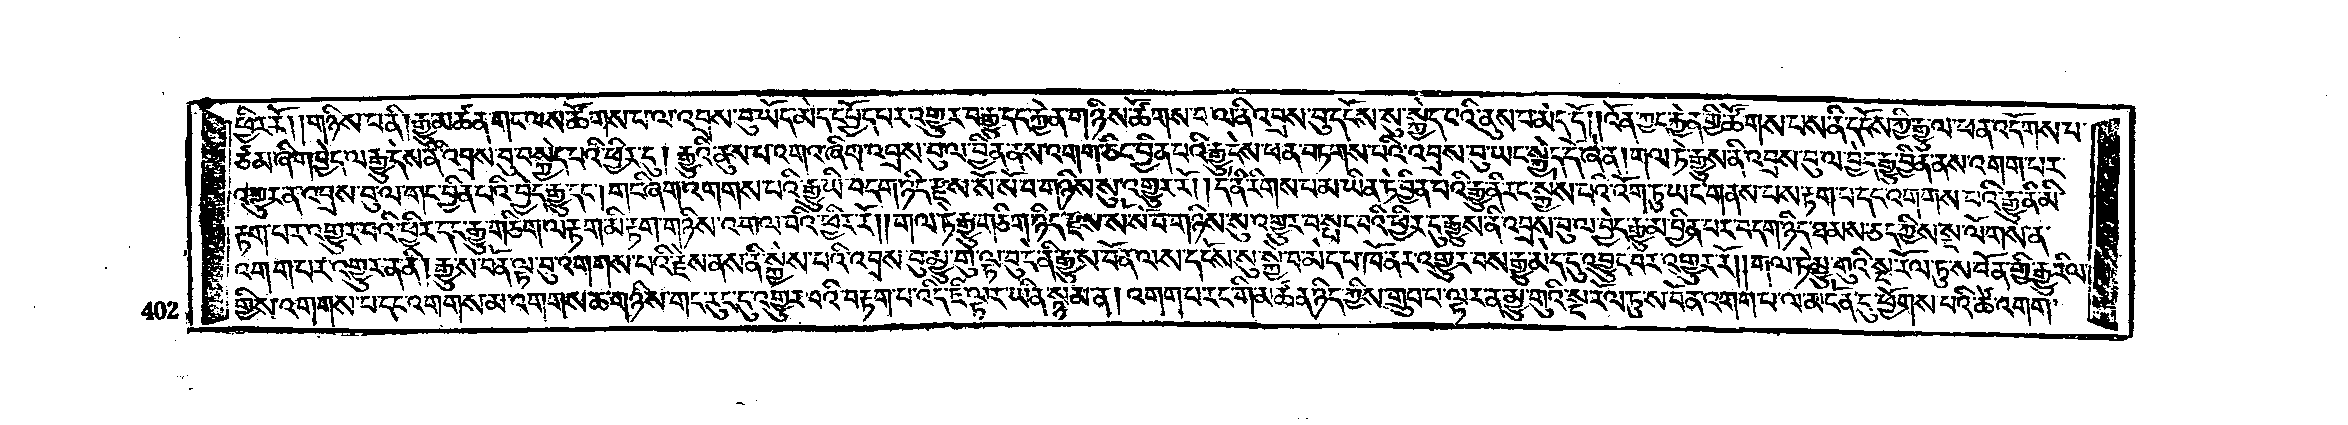ཕྱིར་རོ། །གཉིས་པ་ནི། རྒྱུ་མཚན་གང་ལས་ཚོགས་པ་ལ་འབྲས་བུ་ཡོད་མེད་དཔྱོད་པར་འགྱུར་བ་རྒྱུ་དང་རྐྱེན་གཉི་ཚོགས་པ་ལ་ནི་འབྲས་བུ་དངོས་སུ་སྐྱེད་པའི་ནུས་པ་མེད་དོ། །འོན་ཀྱང་རྐྱེན་གྱི་ཚོགས་པས་ནི་དངོས་ཀྱི་རྒྱུ་ལ་ཕན་འདོགས་པ་
ཙམ་ཞིག་བྱེད་ལ་རྒྱུ་དེས་ནི་འབྲས་བུ་བསྐྱེད་པའི་ཕྱིར་དུ། རྒྱུའི་ནུས་པ་འགའ་ཞིག་འབྲས་བུ་ལ་བྱིན་ནས་འགག་ཅིང་བྱིན་པའི་རྒྱུ་དེས་ཕན་བཏགས་པའི་འབྲས་བུ་ཡང་སྐྱེད་དོ་ཞེ་ན། གལ་ཏེ་རྒྱུས་ནི་འབྲས་བུ་ལ་བྱེད་རྒྱུ་བྱིན་ནས་འགག་པར་
འགྱུར་ན་འབྲས་བུ་ལ་གང་བྱིན་པའི་བྱེད་རྒྱུ་དང་། གང་ཞིག་འགགས་པའི་རྒྱུ་ཡ་བདག་ཉིད་རྫས་སོ་སོ་བ་གཉི་སུ་འགྱུར་རོ། །དེ་ནི་རིགས་པ་མ་ཡིན་ཏེ་བྱིན་པའི་རྒྱུ་ནི་རང་སྐྱེས་པའི་འོག་ཏུ་ཡང་གནས་པས་རྟག་པ་དང་འགགས་པའི་རྒྱུ་ནི་མི་
རྟག་པར་འགྱུར་བའི་ཕྱིར་དང་རྒྱུ་གཅིག་ལ་རྟག་མི་རྟག་གཉིས་འགལ་བའི་ཕྱིར་རོ། །གལ་ཏེ་རྒྱུ་གཅིག་ཉི་རྫས་སོ་སོ་བ་གཉིས་སུ་འགྱུར་བ་སྤང་པའི་ཕྱིར་དུ་རྒྱུས་ནི་འབྲས་བུ་ལ་བྱེད་རྒྱུ་མ་བྱིན་པར་བདག་ཉིད་ཐམས་ཅད་ཀྱིས་སྔ་ལོགས་ན་
འགག་པར་འགྱུར་ན་ནི། རྒྱུ་ས་བོན་ལྟ་བུ་འགགས་པའི་རྗེས་ནས་ནི་སྐྱེས་པའི་འབྲས་བུ་མྱུ་གུ་ལྟ་བུ་དེ་ནི་རྒྱུ་ས་བོན་ལས་དངོས་སུ་སྐྱེ་བ་མེད་པ་ཁོ་ནར་འགྱུར་བས་རྒྱུ་མེད་དུ་འབྱུང་བར་འགྱུར་རོ། །གལ་ཏེ་མྱུ་གུའི་སྔ་རོལ་ཏུ་ས་བོན་གྱི་རྒྱུ་རིལ་
གྱས་འགགས་པ་དང་འགགས་མ་འགགས་ཆ་གཉིས་གང་རུང་དུ་འགྱུར་བའི་བརྟག་པ་འདི་ཇི་ལྟར་ཡིན་སྙམ་ན། འགག་པ་རང་གི་མཚན་ཉི་ཀྱིས་གྲུབ་པ་ལྟར་ན་མྱུ་གུའི་སྔ་རོལ་ཏུ་ས་བོན་འགག་པ་ལ་མངོན་དུ་ཕྱོགས་པའི་ཚེ་འགག་